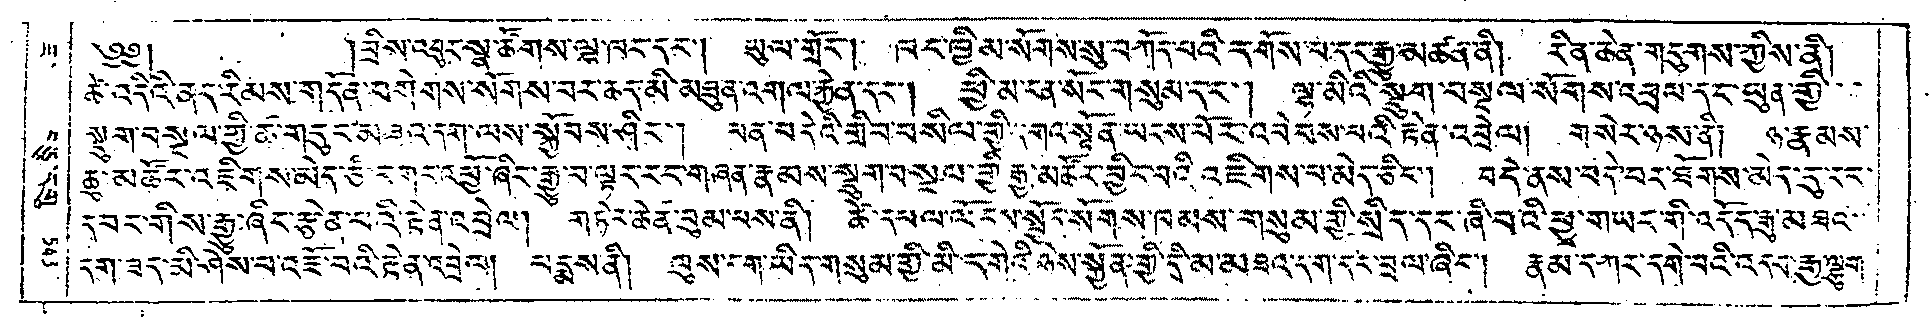༄༅། །བྲིས་འབུར་སྣ་ཚོགས་ལྷ་ཁང་དང་། ཡུལ་གྲོང་། ཁང་ཁྱིམ་སོགས་སུ་བཀོད་པའི་དགོས་པ་དང་རྒྱུ་མཚན་ནི། རིན་ཆེན་གདུགས་ཀྱིས་ནི།
ཚེ་འདིའི་ནད་རིམས་གདོན་བགེགས་སོགས་བར་ཆད་མི་མཐུན་འགལ་རྐྱེན་དང་། ཕྱི་མ་ངན་སོང་གསུམ་དང་། ལྷ་མིའི་སྡུག་བསྔལ་སོགས་འཕྲལ་དང་ཡུན་གྱི་
སྡུག་བསྔལ་གྱི་ཚ་གདུང་མཐའ་དག་ལས་སྐྱོབས་ཤིང་། ཕན་བདེའི་གྲིབ་བསིལ་གྱི་དགའ་སྟོན་ཡངས་པོར་འབེབས་པའི་རྟེན་འབྲེལ། གསེར་ཉས་ནི། ཉ་རྣམས་
ཆུ་མཚོར་འཇིགས་མེད་ཅི་དགར་འཕྱོ་ཞིང་རྒྱུ་བ་ལྟར་རང་གཞན་རྣམས་སྡུག་བསྔལ་གྱི་རྒྱ་མཚོར་བྱིང་བའི་འཇིགས་པ་མེད་ཅིང་། བདེ་ནས་བདེ་བར་ཐོགས་མེད་དུ་རང་
དབང་གིས་རྒྱུ་ཞིང་རྩེན་པའི་རྟེན་འབྲེལ། གཏེར་ཆེན་བུམ་པས་ནི། ཚེ་དཔལ་ལོངས་སྤྱོད་སོགས་ཁམས་གསུམ་གྱི་སྲིད་དང་ཞི་བའི་ཕྱྭ་གཡང་གི་འདོད་རྒུ་མཐའ་
དག་ཟད་མི་ཤེས་པ་འཇོ་བའི་རྟེན་འབྲེལ། པདམས་ནི། ལུས་ངག་ཡིད་གསུམ་གྱི་མི་དགེའི་ཉེས་སྐྱོན་གྱི་དྲི་མ་མཐའ་དག་དང་བྲལ་ཞིང་། རྣམ་དཀར་དགེ་བའི་འདབ་རྒྱ་ལྷུག་